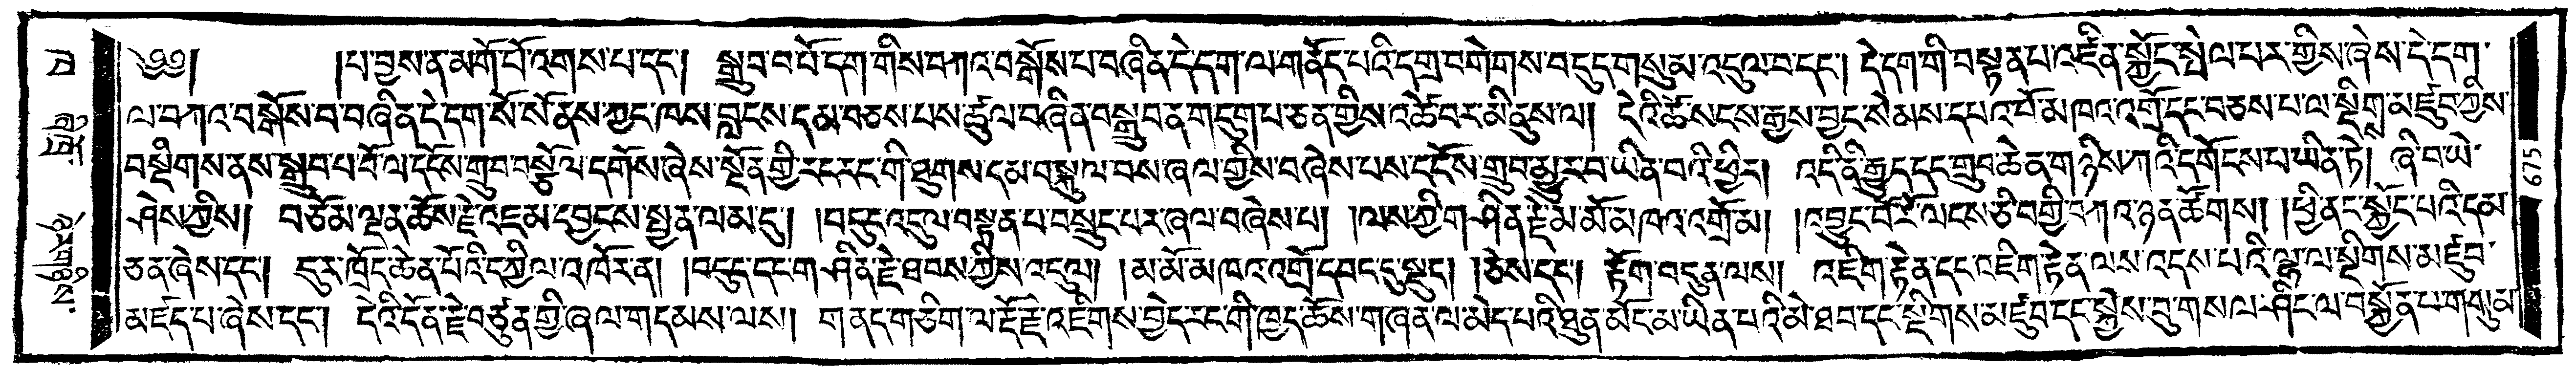༄༅། །པ་བྱས་ན་མགོ་བོ་འགས་པ་དང་། སྒྲུབ་བ་པོ་དག་གིས་བཀའ་བསྒོས་པ་བཞིན་དེ་དག་ལ་གནོད་པའི་དགྲ་བགེགས་བདུད་གསུམ་འདུལ་བ་དང་། དེ་དག་གི་བསྟན་པ་འཛིན་སྐྱོང་སྤེལ་པར་གྱིས་ཞེས་དེ་དག་
ལ་བཀའ་བསྒོས་བ་བཞིན་དེ་དག་སོ་སོ་ནས་ཀྱང་ཁས་བླངས་དམ་བཅས་པས་ཚུལ་བཞིན་བསྒྲུབ་ན་གདུག་པ་ཅན་གྱིས་འཚེ་བར་མི་ནུས་ལ། དེའི་ཚེ་སངས་རྒྱས་བྱང་སེམས་དཔའ་བོ་མཁའ་འགྲོ་དང་བཅས་པ་ལ་སྡིགས་མཛུབ་ཀྱིས་
བསྡིགས་ནས་སྒྲུབ་པ་པོ་ལ་དངོས་གྲུབ་བསྩོལ་དགོས་ཞེས་སྔོན་གྱི་རང་རང་གི་ཐུགས་དམ་བསྐུལ་བས་ཞལ་གྱིས་བཞེས་པས་དངོས་གྲུབ་མྱུར་བ་ཡིན་པའི་ཕྱིར། འདི་ནི་རྒྱུད་དང་གྲུབ་ཆེན་གཉིས་ཀའི་དགོངས་པ་ཡིན་ཏེ། ཞི་བ་ཡེ་
ཤེས་ཀྱིས། བཅོམ་ལྡན་ཆོས་རྗེ་འཇམ་དབྱངས་སྤྱན་ལམ་དུ། །བདུད་འདུལ་བསྟན་པ་བསྲུང་པར་ཞལ་བཞེས་པ། །ལས་ཀྱི་གཤིན་རྗེ་མ་མོ་མཁའ་འགྲོ་མ། །འབྱུང་པོ་རོ་ལངས་ཅི་བགྱི་བཀའ་ཉན་ཚོགས། །ཕྱི་ནང་སྐྱོང་པའི་དམ་
ཅན་ཞེས་དང་། དུར་ཁྲོད་ཆེན་པོའི་དཀྱིལ་འཁོར་ན། །བདུད་དང་གཤིན་རྗེ་ཐབས་ཀྱིས་འདུལ། །མ་མོ་མཁའ་འགྲོ་དབང་དུ་སྡུད། །ཅེས་དང་། རྟོག་བདུན་ལས། འཇིག་རྟེན་དང་འཇིག་རྟེན་ལས་འདས་པའི་ལྷ་ལ་སྡིགས་མཛུབ་
མཛད་པ་ཞེས་དང་། དེའི་དོན་རྗེ་བཙུན་གྱི་ཞལ་གདམས་ལས། གནད་གཅིག་ལ་རྡོ་རྗེ་འཇིགས་བྱེད་རང་གི་ཁྱད་ཆོས་གཞན་ལ་མེད་པའི་ཐུན་མོང་མ་ཡིན་པའི་མེ་ཐབ་དང་སྡིགས་མཛུབ་དང་སྐྱེས་བུ་གསལ་ཤིང་ལ་བསྐྱོན་པ་གསུམ་